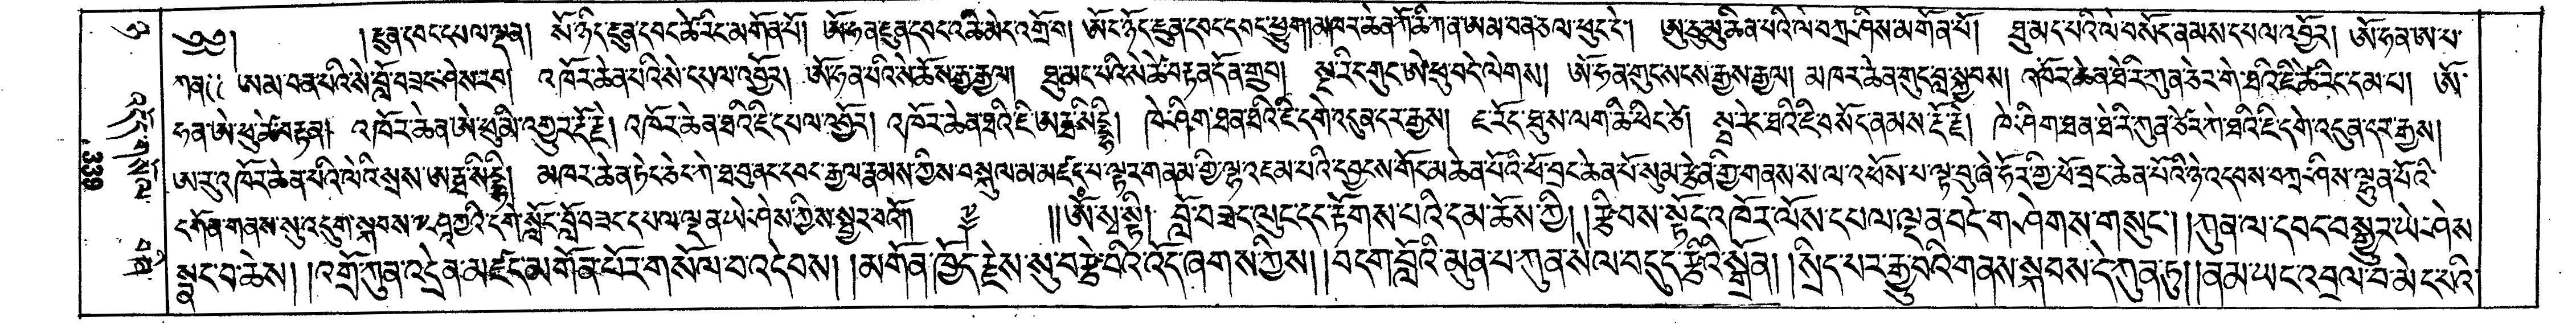༄༅། །ཇུན་དབང་དཔལ་ལྡན། སོ་ཉིད་ཇུན་དབང་ཚེ་རིང་མགོན་པོ། ཨོ་ཧན་ཇུན་དབང་འཆི་མེད་འགྲོ་བ། ཨོང་ཉོད་ཇུན་དབང་དབང་ཕྱུག །མཁར་ཆེན་ཀོ་ཆི་ཀན་ཨམ་བན་ཅ་ལ་ཕུང་ངེ། ཨུ་ཅུ་མུ་ཆིན་པའི་ལེ་བཀྲ་ཤིས་མགོན་པོ། ཐུ་མད་པའི་ལེ་བསོད་ནམས་དཔལ་འབྱོར། ཨོ་ཧན་ཨ་པ་
ཀན༑ ཨམ་བན་པའི་སེ་བློ་བཟང་ཤེས་རབ། འཁོར་ཆེན་པའི་སེ་དཔལ་འབྱོར། ཨོ་ཧན་པའི་སེ་ཆོས་རྒྱ་རྒྱལ། ཐུ་མད་པའི་སེ་ཚེ་བརྟན་དོན་གྲུབ། སྦ་རིང་གུང་ཨེ་ཕུ་བདེ་ལེགས། ཨོ་ཧན་གུང་སངས་རྒྱས་རྒྱལ། མཁར་ཆེན་གུང་བླ་སྐྱབས། འཁོར་ཆེན་ཐེ་རི་ཀུན་ཅེར་གེ་ཐའི་ཇི་ཚེ་རིང་དམ་པ། ཨོ་
ཧན་ཨེ་ཕུ་ཚེ་བརྟན། འཁོར་ཆེན་ཨེ་ཕུ་མི་འགྱུར་རྡོ་རྗེ། འཁོར་ཆེན་ཐའི་ཇི་དཔལ་འབྱོར། འཁོར་ཆེན་ཐའ་ཇི་ཨ་རྠ་སིདྡྷི། ཁེ་ཤིག་ཐན་ཐའི་ཇི་དགེ་འདུན་དར་རྒྱས། ཇ་རཽ་ཐུ་ས་ལག་ཆི་ཕིང་ཙེ། སྦ་རེང་ཐའི་ཇི་བསོད་ནམས་རྡོ་རྗེ། ཁེ་ཤིག་ཐན་ཐེ་རི་ཀུན་ཙེར་ཀེ་ཐའི་དགེ་འདུན་དང་རྒྱས།
ཨ་རུ་འཁོར་ཆེན་པའི་ལེའི་སྲས་ཨརྠ་སིདྡྷི། མཁར་ཆེན་ཏེད་ཅེར་ཀེ་ཐ་བུ་ནང་དབང་རྒྱལ་རྣམས་ཀྱིས་བསྐུལ་མ་མཛད་པ་ལྟར་གནམ་གྱི་ལྷ་འཇམ་པའི་དབྱངས་གོང་མ་ཆེན་པོའི་ཕོ་བྲང་ཆེན་པོ་སུམ་རྩེན་གྱི་གནས་ས་ལ་འཕོས་པ་ལྟ་བུ་ཞེ་ཧོར་གྱི་ཕེ་བྲང་ཆེན་པོའི་ཉེ་འདབས་བཀྲ་ཤིས་ལྷུན་པོའི་
དགོན་གནས་སུ་འདུག་སྐབས ༧ཤཱཀྱའི་དགེ་སློང་དཔལ་ལྡན་ཡེ་ཤེས་ཀྱིས་སྦྱར་བའོ།། ༑ །།ཨོཾ་སྭསྟི། བློ་བཟང་ལུང་དང་རྟོགས་པའི་དམ་ཆོས་ཀྱི། །རྩིབས་སྟོང་འཁོར་ལོས་དཔལ་ལྡན་བདེ་གཤེགས་གསུང་། །ཀུན་ལ་དབང་བསྒྱུར་ཡེ་ཤེས་
སྣང་བ་ཆེས། །འགྲོ་ཀུན་འདྲེན་མཛད་མགོན་པོར་གསོལ་བ་འདེབས། །མགོན་ཁྱོད་རྗེས་སུ་བརྩེ་བའི་འོད་ཞགས་ཀྱིས། །བདག་བློའི་མུན་པ་ཀུན་སེལ་བདུད་རྩིའི་སྒྲོན། །སྲིད་པར་རྒྱུ་བའི་གནས་སྐབས་དེ་ཀུན་ཏུ། །ནམ་ཡང་འབྲལ་བ་མེད་པའི་